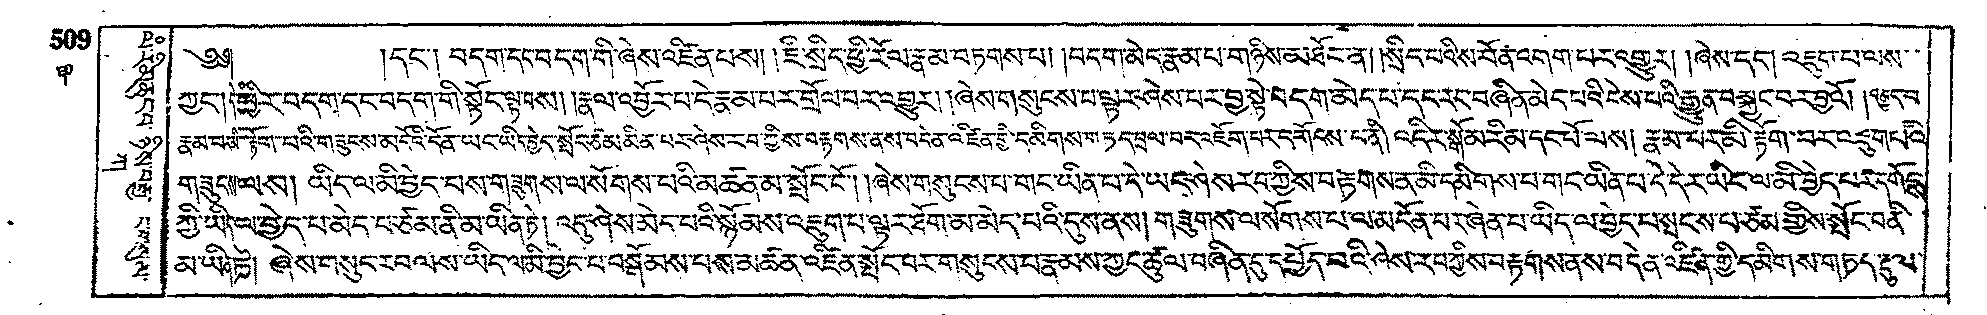༄༅། །དང་། བདག་དང་བདག་གི་ཞེས་འཛིན་པས། །ཇི་སྲིད་ཕྱི་རོལ་རྣམ་བཏགས་པ། །བདག་མེད་རྣམ་པ་གཉིས་མཐོང་ན། །སྲིད་པའི་ས་བོན་འགག་པར་འགྱུར། །ཞེས་དང་། འཇུག་པ་ལས་
ཀྱང་། དེའི་ཕྱིར་བདག་དང་བདག་གི་སྟོང་ལྟ་བས། །རྣལ་འབྱོར་པ་དེ་རྣམ་པར་གྲོལ་བར་འགྱུར། །ཞེས་གསུངས་པ་ལྟར་ཤེས་པར་བྱ་སྟེ་བདག་མེད་པ་དང་རང་བཞིན་མེད་པའི་ངེས་པའི་རྒྱུན་བསྐྱང་བར་བྱའོ། །བརྒྱད་པ་
རྣམ་པར་མི་རྟོག་པའི་གཟུངས་མདོའི་དོན་ཡང་ཡིད་བྱེད་སྤོང་ཙམ་མིན་པར་ཤེས་རབ་ཀྱིས་བརྟགས་ནས་བདེན་འཛིན་གྱི་དམིགས་གཏད་བྲལ་བར་འཇོག་པར་དགོངས་པ་ནི། འདིར་སྒོམ་རིམ་དང་པོ་ལས། རྣམ་པར་མི་རྟོག་པར་འཇུག་པའི་
གཟུངས་ལས། ཡིད་ལ་མི་བྱེད་པས་གཟུགས་ལ་སོགས་པའི་མཚན་མ་སྤོང་ངོ། །ཞེས་གསུངས་པ་གང་ཡིན་པ་དེ་ཡང་ཤེས་རབ་ཀྱིས་བརྟགས་ན་མི་དམིགས་པ་གང་ཡིན་པ་དེ་དེར་ཡིད་ལ་མི་བྱེད་པར་དགོངས་
ཀྱི་ཡིད་ལ་བྱེད་པ་མེད་པ་ཙམ་ནི་མ་ཡིན་ཏེ། འདུ་ཤེས་མེད་པའི་སྙོམས་འཇུག་པ་ལྟར་ཐོག་མ་མེད་པའི་དུས་ནས། གཟུགས་ལ་སོགས་པ་ལ་མངོན་པར་ཞེན་པ་ཡིད་ལ་བྱེད་པ་སྤངས་པ་ཙམ་གྱིས་སྤོང་བ་ནི་
མ་ཡིན་ཏེ། ཞེས་གསུང་རབ་ལས་ཡིད་ལ་མི་བྱེད་པ་བསྒོམས་པས་མཚན་འཛིན་སྤོང་བར་གསུངས་པ་རྣམས་ཀྱང་ཚུལ་བཞིན་དུ་དཔྱོད་པའི་ཤེས་རབ་ཀྱིས་བརྟགས་ནས་བདེན་འཛིན་གྱི་དམིགས་གཏད་རྡུལ་